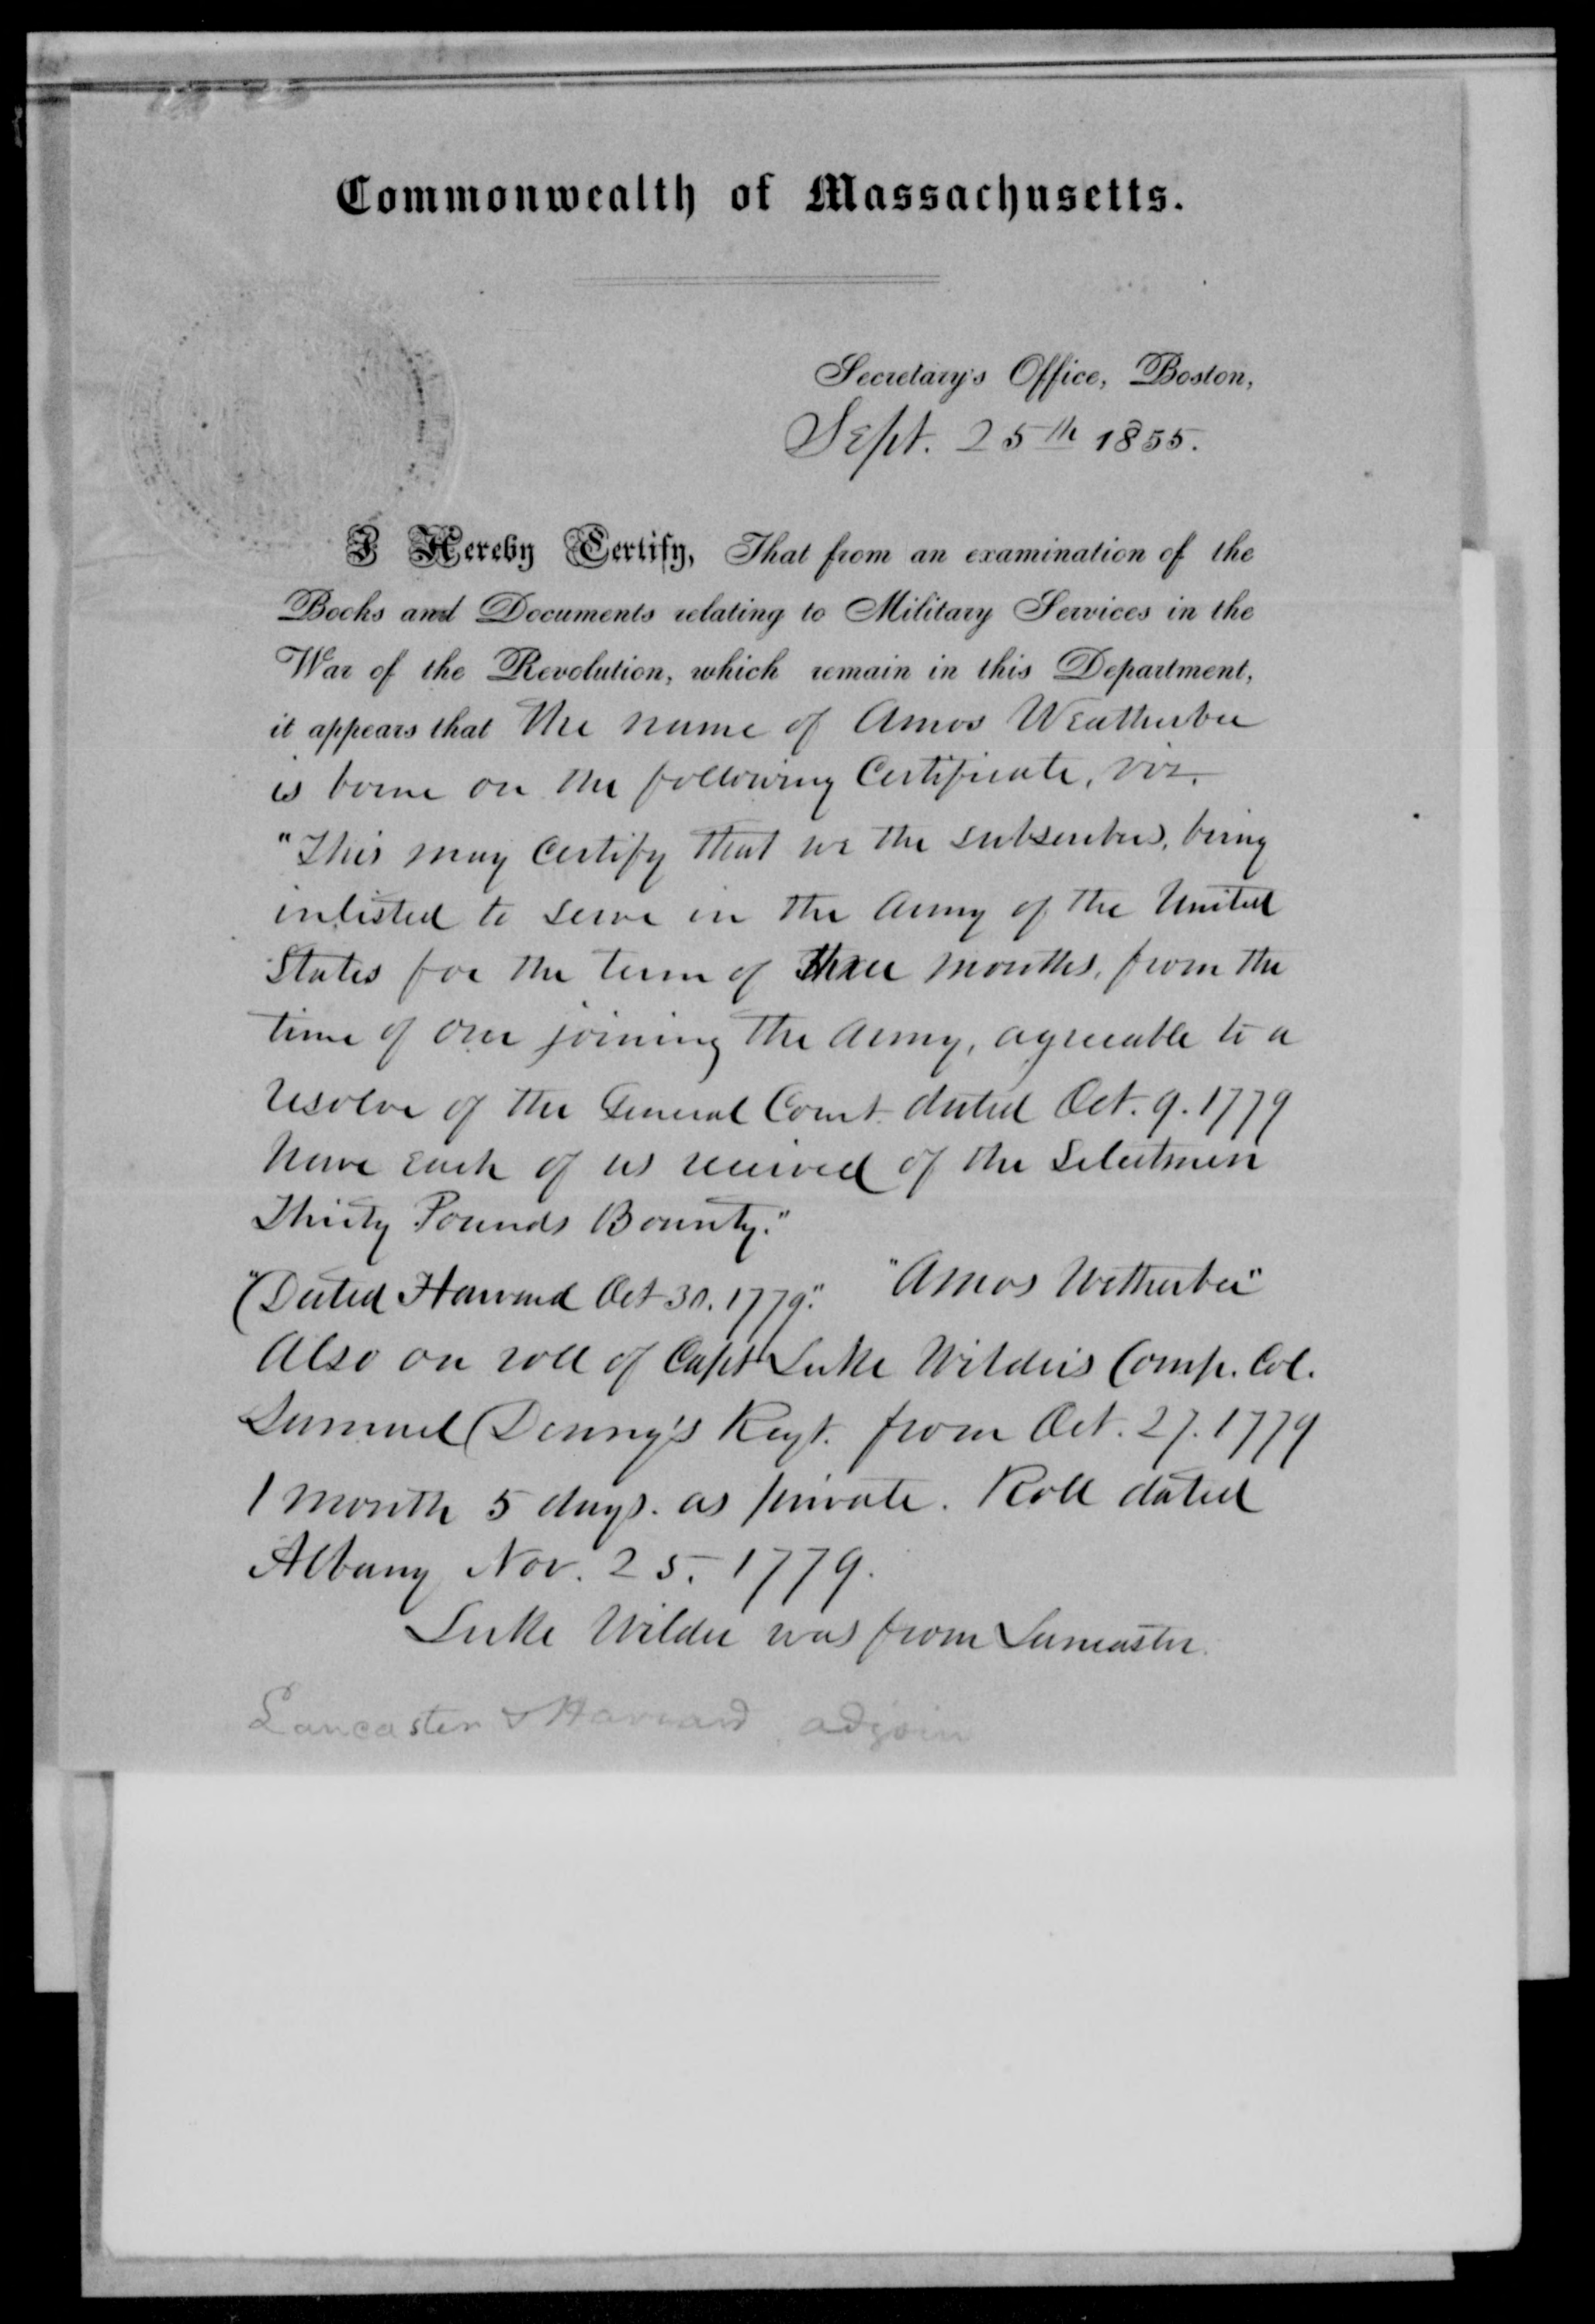Commonwealth of Massachusetts
Secretary's Office, Boston,
Sept. 25th 1855
(State seal)

I Herby Certify, That from an examination of the Books and Documents relating to Military Services in the War of the Revolution, which remain in this Department, is appears that the name of Amos Weatherbee is borne on the following certificate--"This may certify that we the subscribers, being inslisted to serve in the army of the United States for the term of three months from the time of our joining the army, agreeable to a resolve of the General Court dated Oct. 9, 1779 have each of us received of the Selectmen Thirty Pounds Bounty."
Dated Harvard Oct. 30, 1779. 
"Amos Weatherbee"
Also on roll of Capt. Luke Wilder's Comp. Col. Samuel Denny's Regt.  from Oct 27, 1779 1 month 5 days as private. Roll dated Albany Nov. 25, 1779
Luke Wilder was from Lancaster
(notation-Lancaster & Harvard adjoin)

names: Amos Weatherbee, Luke Wilder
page: 61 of 66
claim: widow's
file: W. 2468, Amos Wetherbee, Mass.